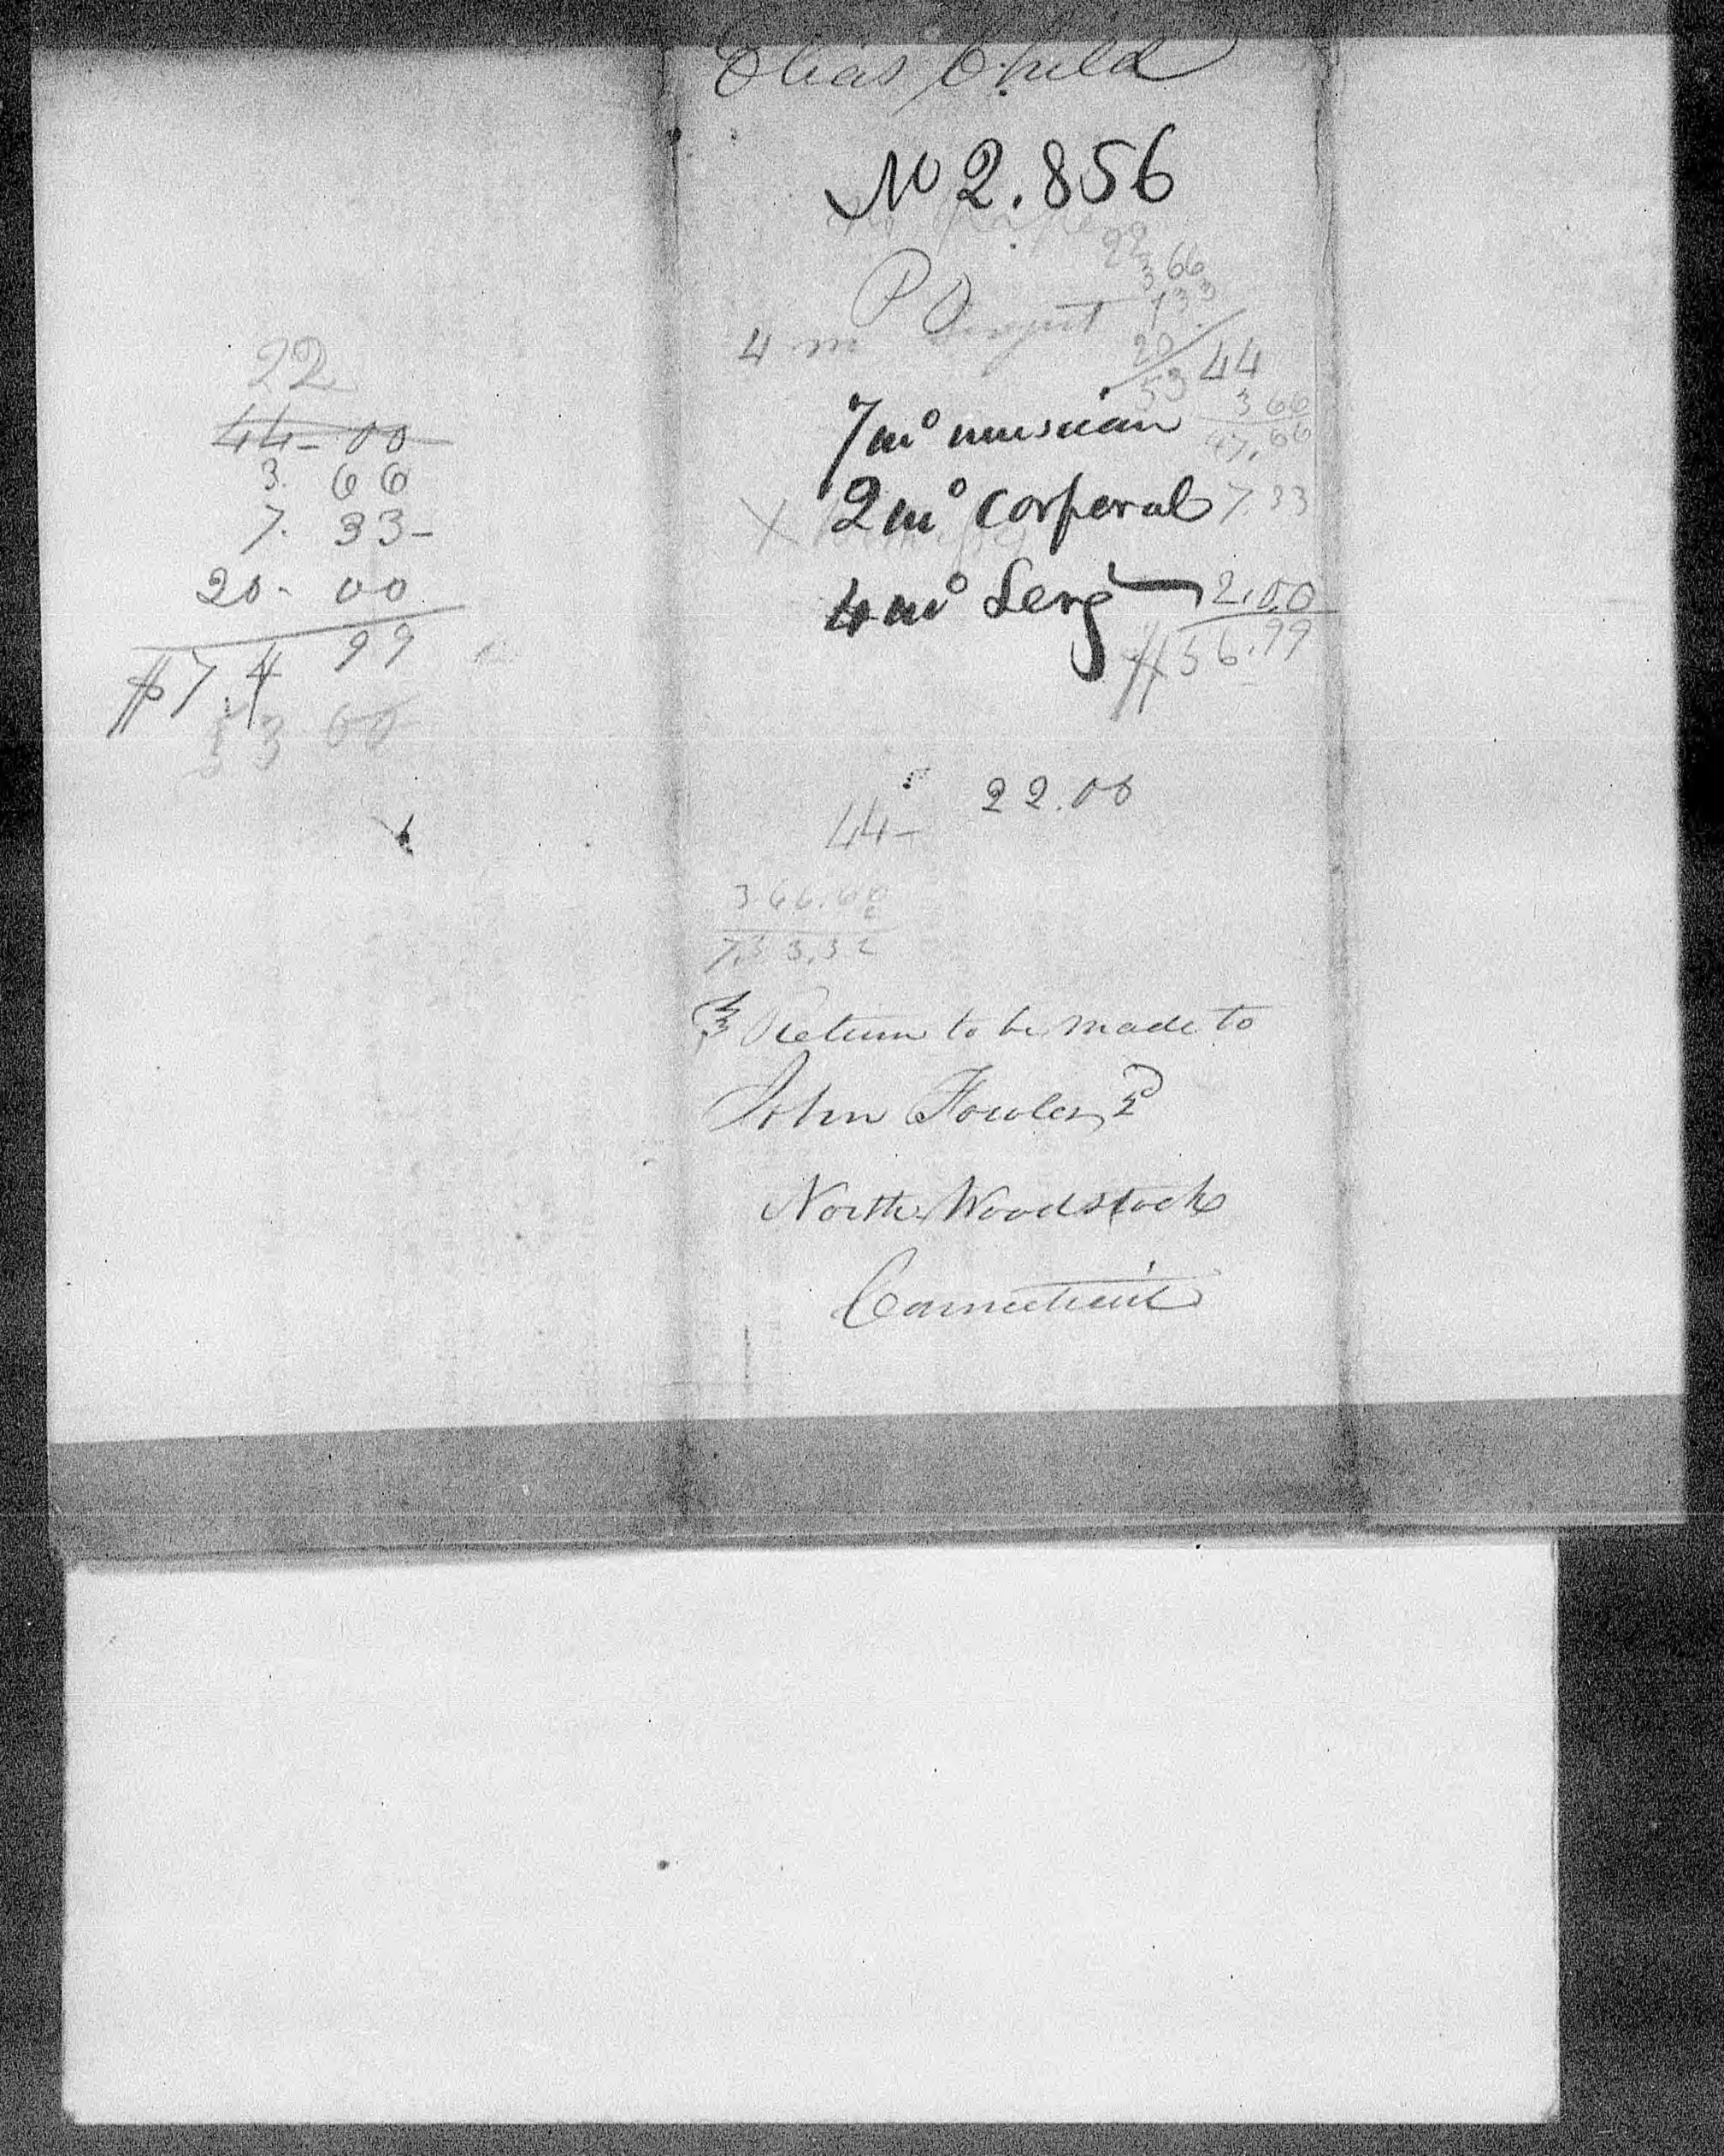Elias Child

7mo musician
2mo Corperal
4mo Leut

Return to me made to John Fowler 
North Woodsloch
Connecticut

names: John Fowler, Elias Child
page: 3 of 34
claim: survivor's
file: S. 31,605, Elias Child, Conn.